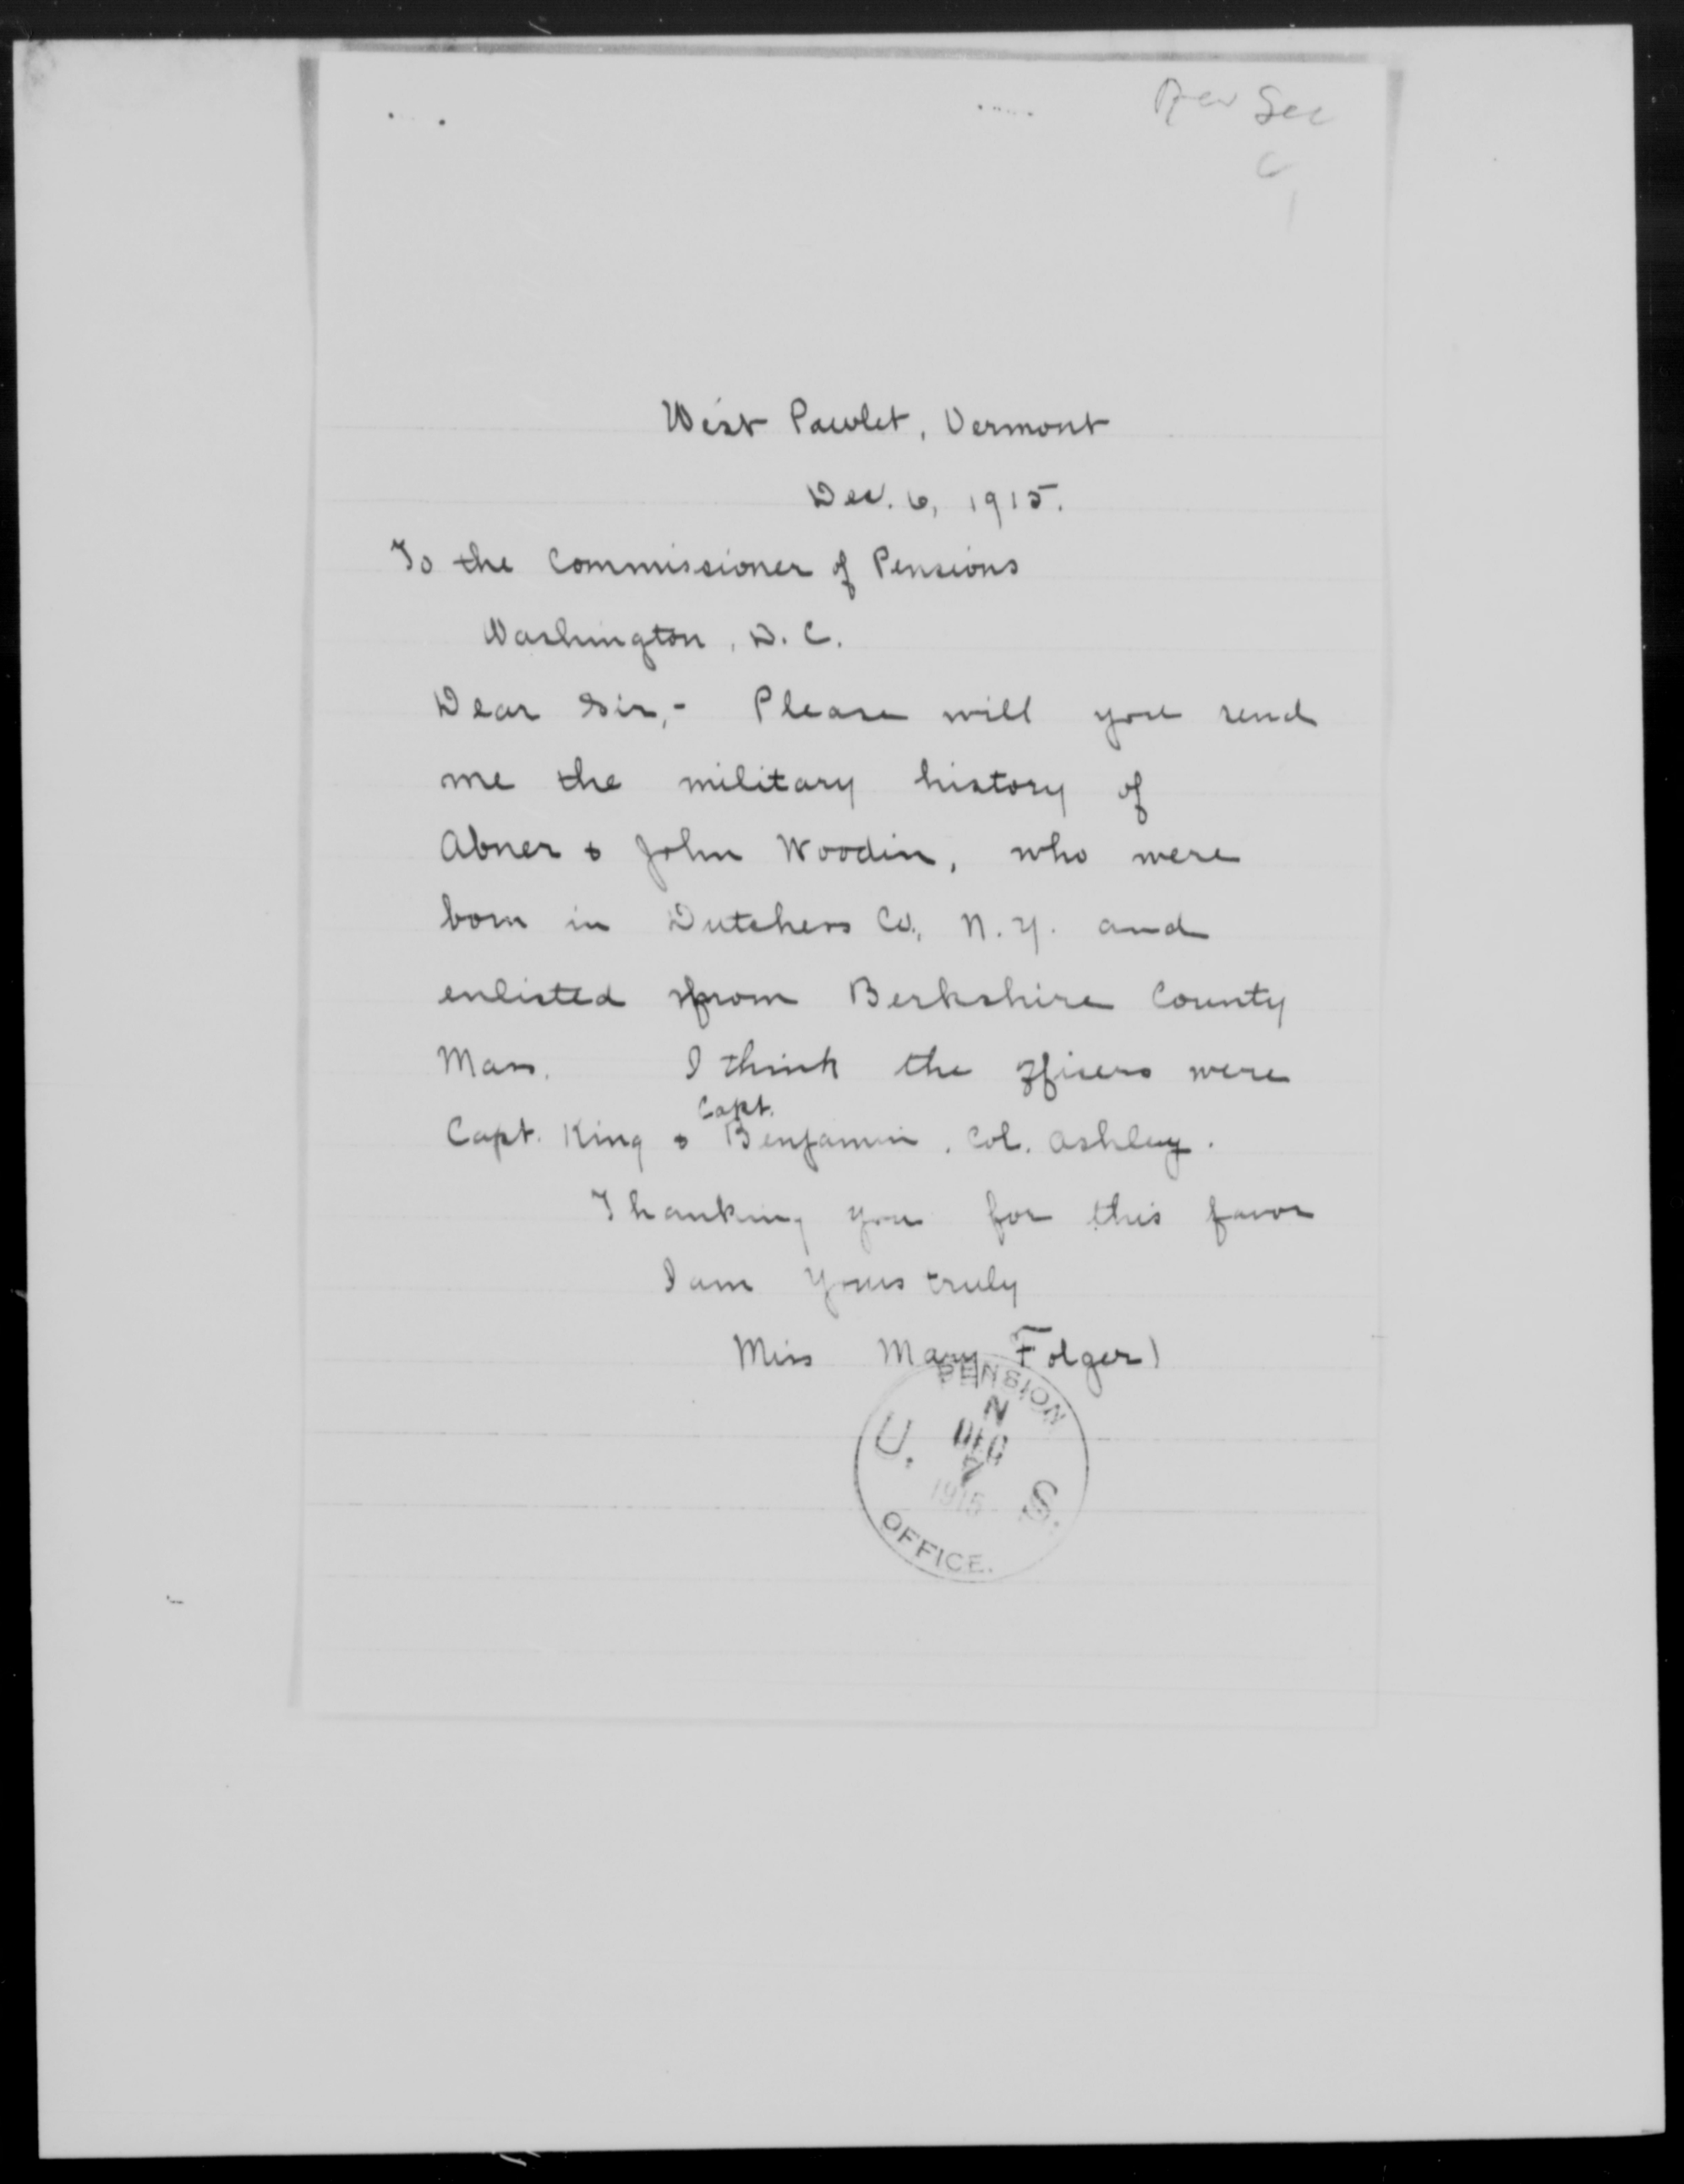West Pawlet, Vermont 
Dec. 6, 1915.
To the Commissioner of Pensions
Washington, D.C. 
Dear Sir,- Please will you send me the military history of Abner & John Woodin, who were born in Dutchess Co. N.Y. and enlisted from Berkshire County Mass. I think the officers were Capt. King & Capt. Benjamin, Col. Ashley.
Thanking you for this favor 
I am Yours truly 
Miss Mary Folger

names: Ashley, King, Mary Folger, Benjamin, John Woodin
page: 48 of 77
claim: widow's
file: W. 19658, John Woodin, New York